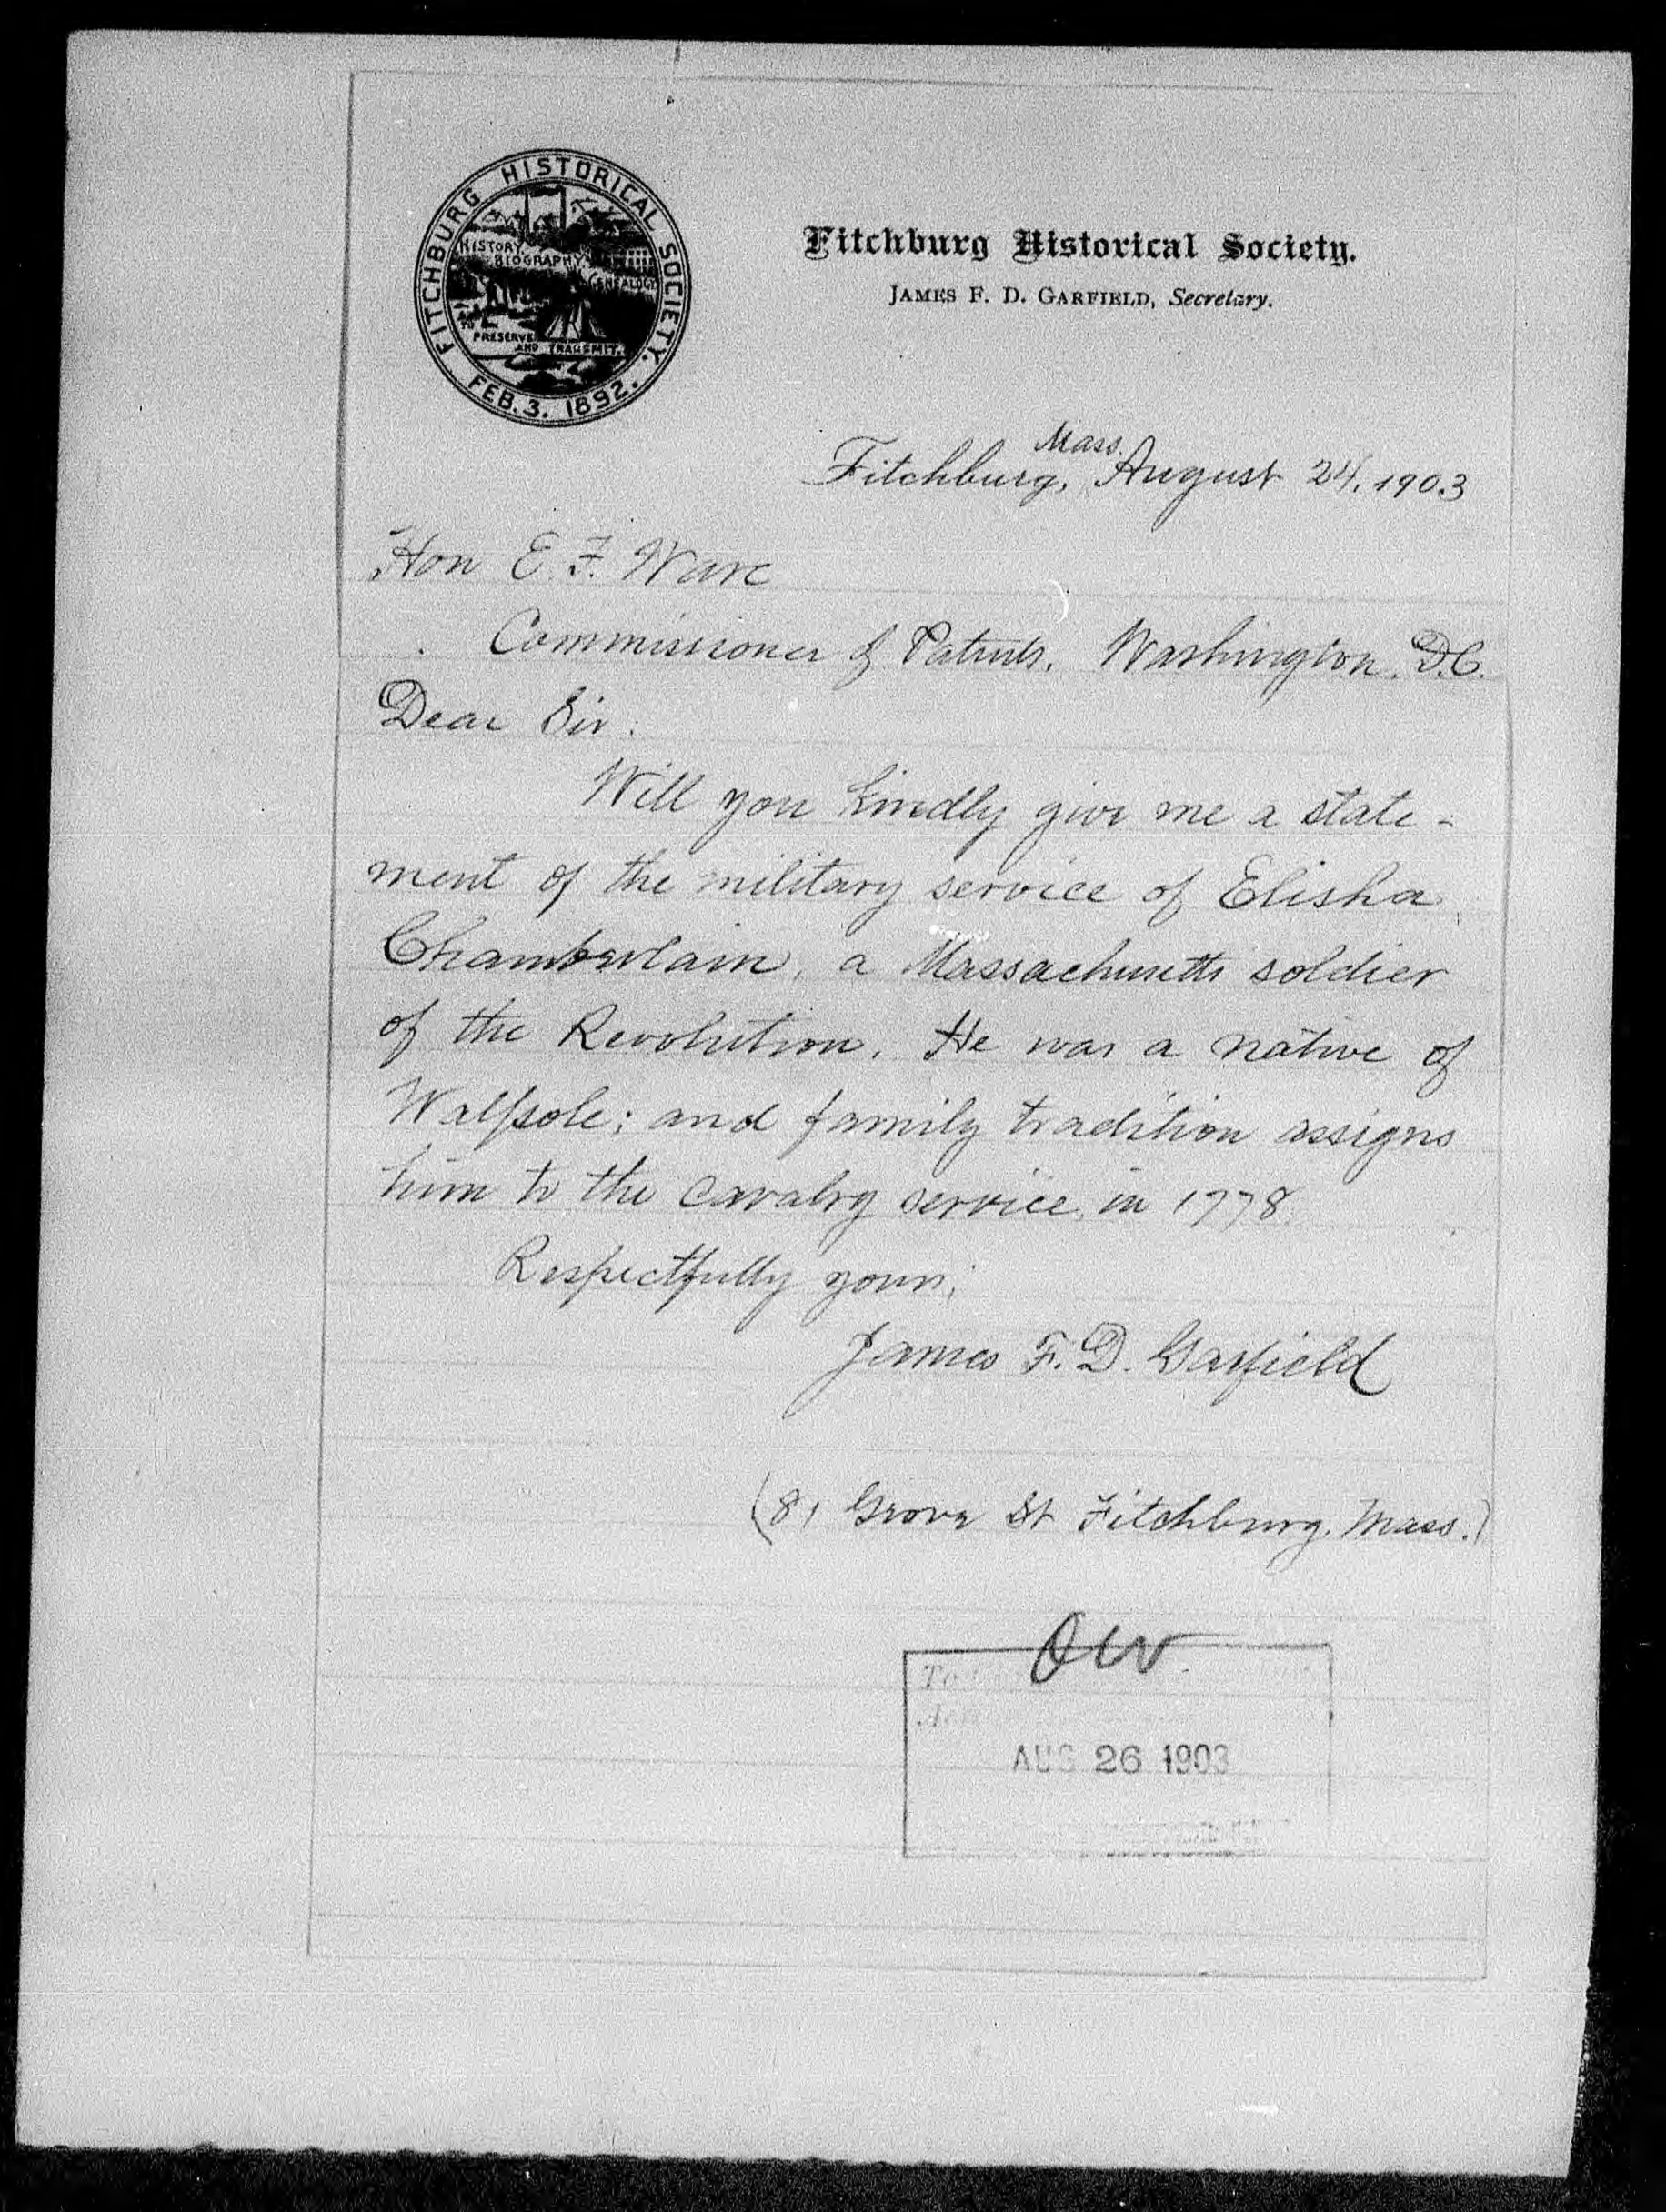[printed emblem in upper left corner of page]
FITCHBURG HISTORICAL SOCIETY.
FEB. 3, 1892.

Fitchburg Historical Society.
JAMES F.D. GARFIELD, Secretary.

Fitchburg, Mass.   August 24, 1903

Hon E.F. Ware
Commissioner of Patents, Washington, D.C.

Dear Sir,

Will you kindly give me a statement of the military service of Elisha Chamberlain, a Massachusetts soldier of the Revolution.  He was a native of Walpole; and family tradition resigns him to the cavalry service in 1778.

Respectfully yours,
James F.D. Garfield

(81 Grove St  Fitchburg, Mass.)
OW

[illegible stamp affixed at bottom of page--only the date can be made out]
AUG 26 1903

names: E F Ware, Elisha Chamberlain, James F D Garfield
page: 21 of 24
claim: rejected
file: R. 1835, Elisha Chamberlain, Mass.